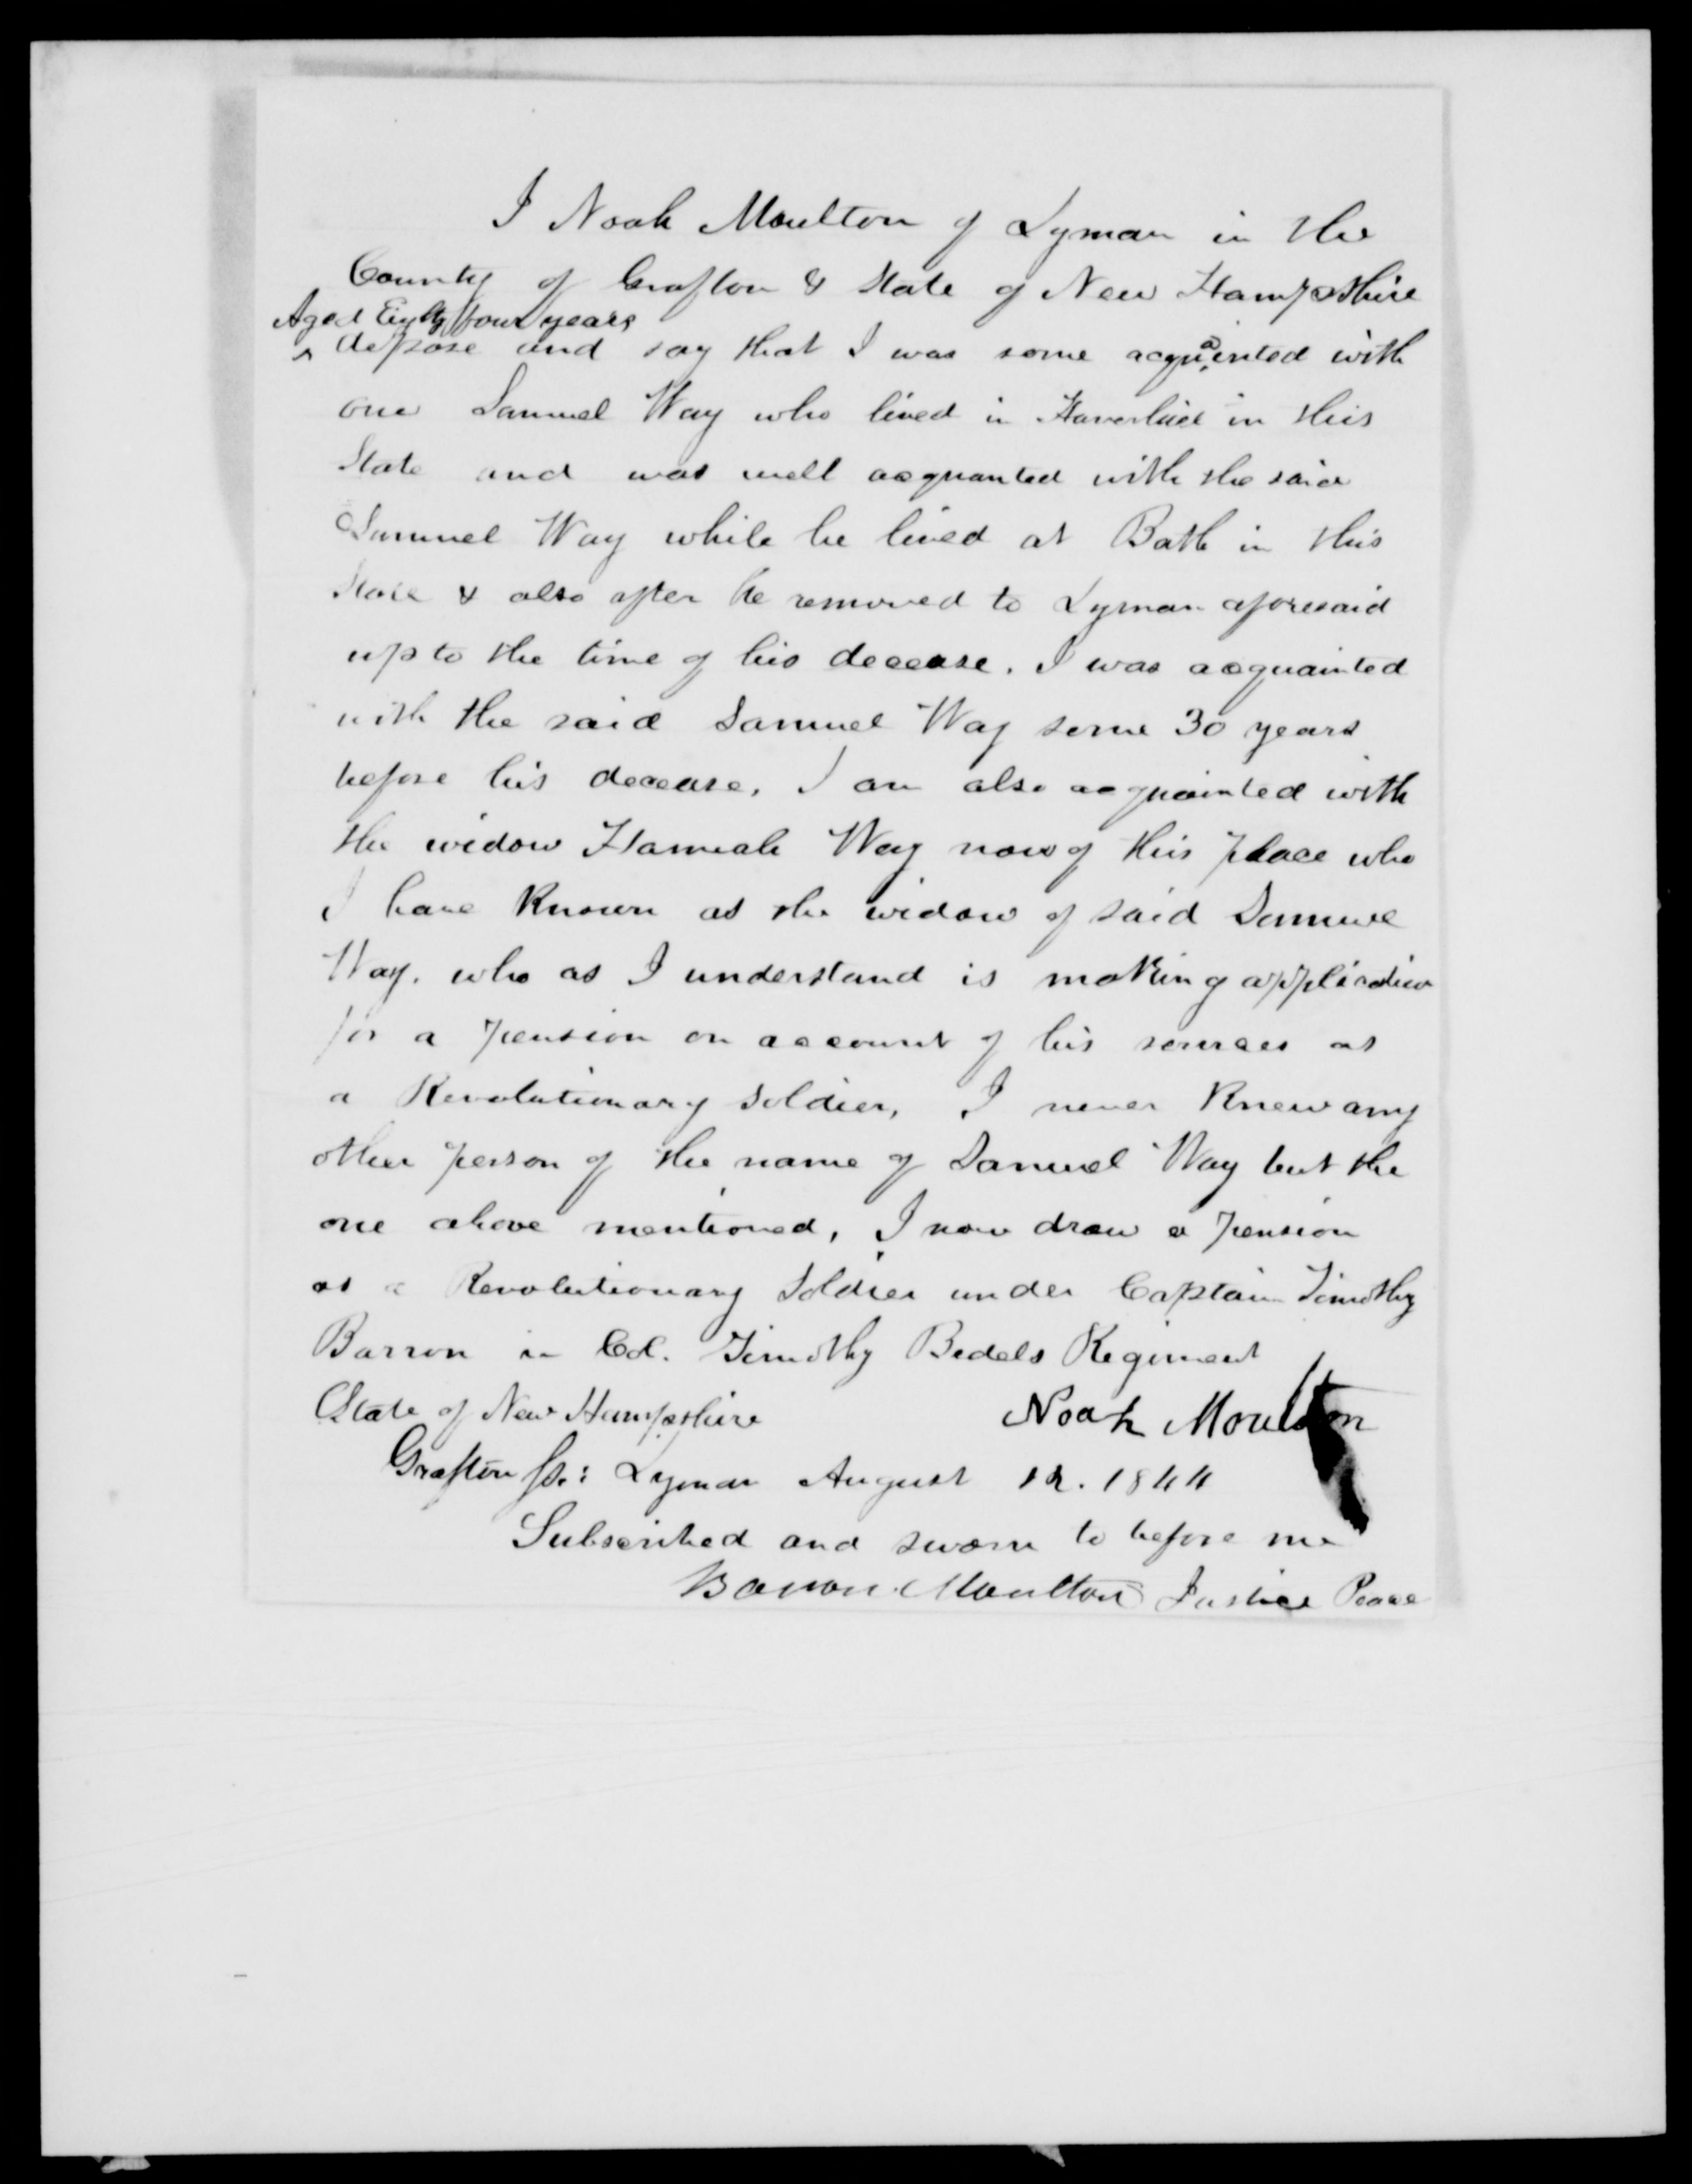I Noah Moulton of Lyman in the
County of Grafton & State of New Hampshire
Aged Eighty four years depose and say that I was some acquainted with
one Samuel Way who lived in Haverhill in this
State and was well acquainted with the said
Samuel Way while he lived at Bath in this
sale & also after he removed to Lyman aforesaid
up to the time of his decease. I was acquainted with the said Samuel Way some 30 years
before his decease. I am also acquainted with
the widow Hannah Way now of this place who
I have known as the widow of said Samuel
Way, who as I understand is making application
for a pension on account of his service as
a Revolutionary soldier, I never knew any
other person of the name of Samuel Way but the
one above mentioned, I now draw a pension
as a Revolutionary Soldier under Captain Timothy
Barron in Col. Timothy Bedels Regiment
State of New Hampshire
Noah Moulton
Grafton ss: Lyman August 12. 1844
Subscribed and sworn to before me
Baron Moulton Justice Peace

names: Noah Moulton, Hannah Way, Samuel Way, Barron Moulton, Timothy Barron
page: 34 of 78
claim: widow's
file: W. 25856, Samuel Way, N.H.